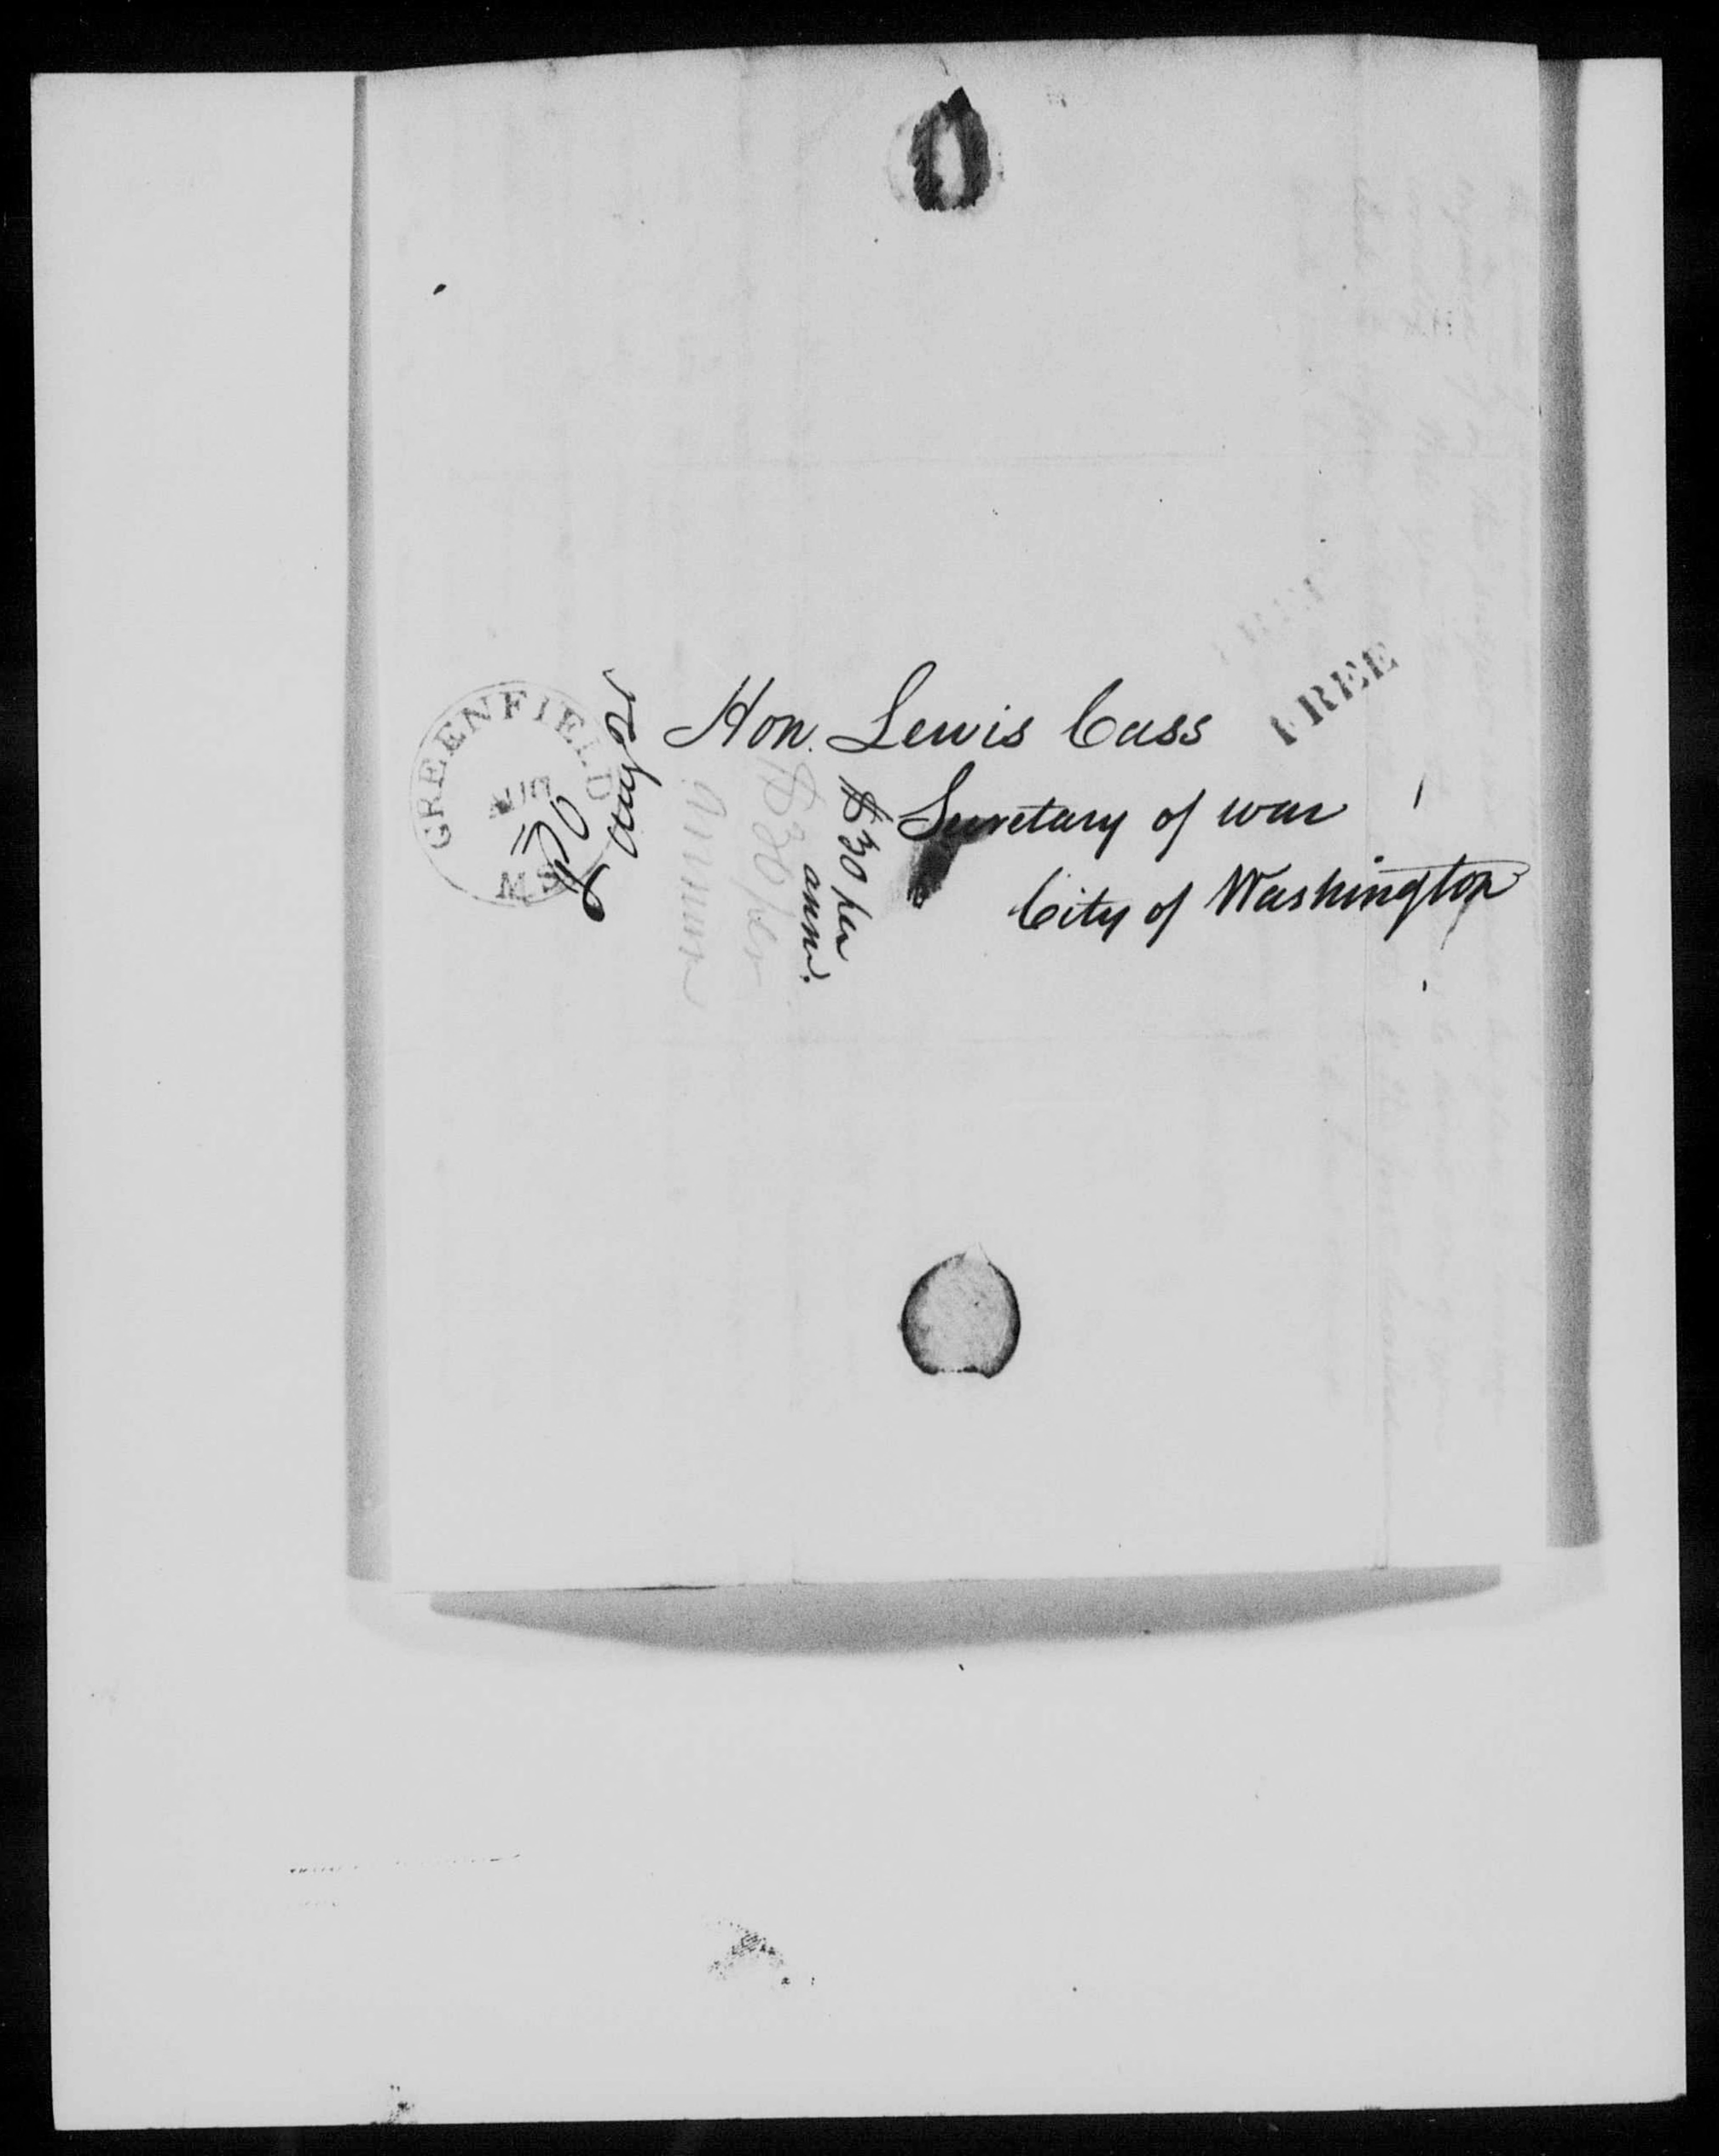[seal GREENFIELD MS AUG]

Hon. Lewis Cass FREE
Secretary of war
City of Washington

$30 per ann.

aug 21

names: Lewis Cass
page: 33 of 39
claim: widow's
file: W. 20624, David Anderson, Mass